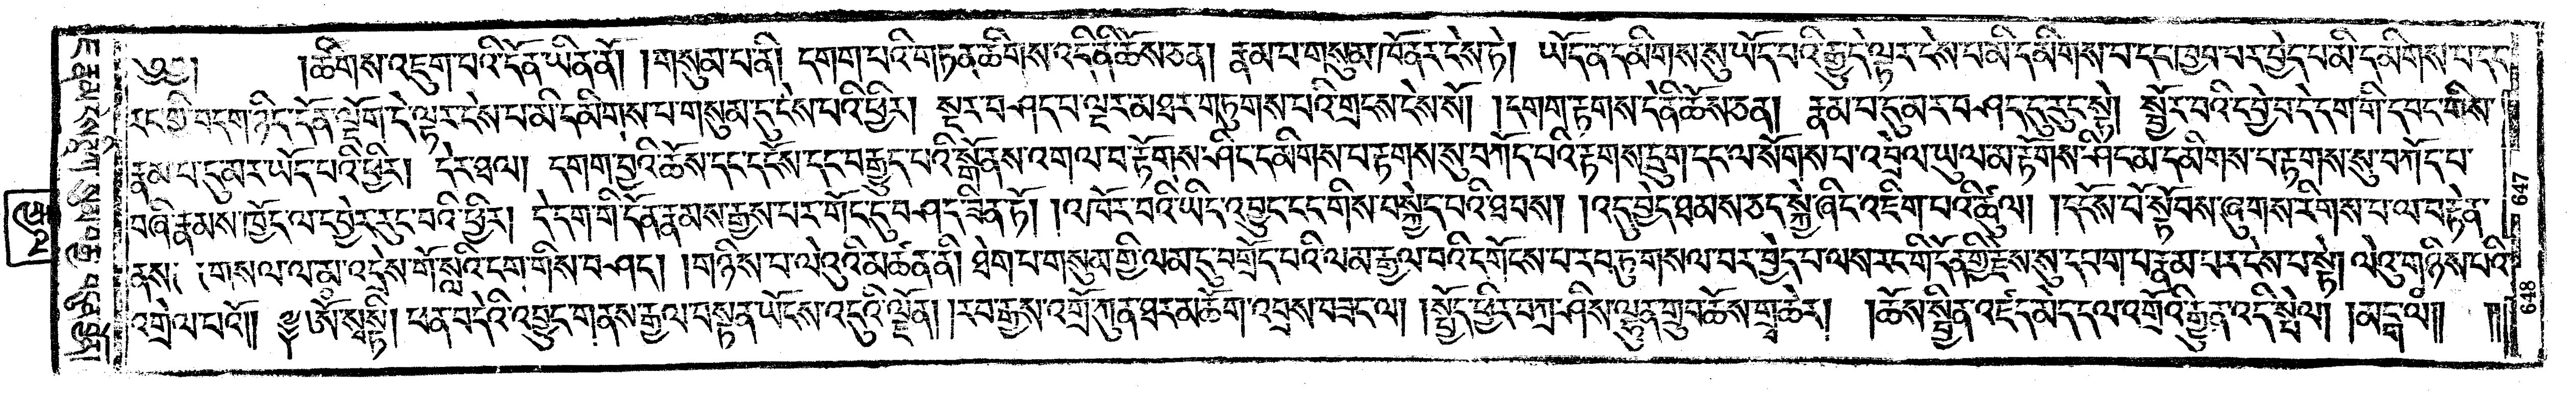༄༅། །ཚིགས་འཇུག་པའི་དོན་ཡིན་ནོ། །གསུམ་པ་ནི། དགག་པའི་གཏན་ཚིགས་འདི་ནི་ཆོས་ཅན། རྣམ་པ་གསུམ་ཁོ་ནར་ངེས་ཏེ། ཡོད་ན་དམིགས་སུ་ཡོད་པའི་རྒྱུ་དེ་ལྟར་ངེས་པ་མི་དམིགས་པ་དང་ཁྱབ་པར་བྱེད་པ་མི་དམིགས་པ་དང་
རང་གྱི་བདག་ཉིད་དོན་ལྡོག་དེ་ལྟར་ངེས་པ་མི་དམིགས་པ་གསུམ་དུ་ངེས་པའི་ཕྱིར། སྔར་བཤད་པ་ལྔར་མཐར་གཏུགས་པའི་གྲངས་ངེས་སོ། །དགག་རྟགས་དེ་ནི་ཆོས་ཅན། རྣམ་པ་དུ་མར་བཤད་དུ་རུང་སྟེ། སྦྱོར་བའི་དབྱེ་བ་དེ་དག་གི་དབང་གིས་
རྣམ་པ་དུ་མར་ཡོད་པའི་ཕྱིར། དེར་ཐལ། དགག་བྱའི་ཆོས་དང་དངོས་དང་བརྒྱུད་པའི་སྒོ་ནས་འགལ་བ་རྟོགས་ཤིང་དམིགས་པ་རྟགས་སུ་བཀོད་པའི་རྟགས་དྲུག་དང་ལ་སོགས་པ་འབྲེལ་ཡུལ་མ་རྟོགས་ཤིང་མ་དམིགས་པ་རྟགས་སུ་བཀོད་པ་
བཞི་རྣམས་ཁྱོད་ལ་དབྱེར་རུང་བའི་ཕྱིར། དེ་དག་གི་དོན་རྣམས་རྒྱས་པར་གོང་དུ་བཤད་ཟིན་ཏོ། །འཁོར་བའི་ཡིད་འབྱུང་ངང་གིས་བསྐྱེད་པའི་ཐབས། །འདུ་བྱེད་ཐམས་ཅད་སྐྱེ་ཞིང་འཇིག་པའི་ཚུལ། །དངོས་པོ་སྟོབས་ཞུགས་རིགས་པ་ལ་བརྟེན་
ནས། །གསལ་ལ་མ་འདྲེས་གོ་སླའི་ངག་གིས་བཤད། །གཉིས་པ་ལེའུའི་མཚན་ནི། ཐེག་པ་གསུམ་གྱི་ལམ་དུ་བགྲོད་པའི་ལམ་རྒྱལ་བའི་དགོངས་པ་རབ་ཏུ་གསལ་བར་བྱེད་པ་ལས་རང་གི་དོན་གྱི་རྗེས་སུ་དཔག་པ་རྣམ་པར་ངེས་པ་སྟེ། ལེའུ་གཉིས་པའི་
འགྲེལ་པའོ།། ༈ ཨོཾ་སྭསྟི། ཕན་བདེའི་འབྱུང་གནས་རྒྱལ་བསྟན་ཡོངས་འདུའི་ལྗོན། །རབ་རྒྱས་འགྲོ་ཀུན་ཐར་མཆོག་འབྲས་བཟང་ལ། །སྤྱོད་ཕྱིར་བཀྲ་ཤིས་ལྷུན་གྲུབ་ཆོས་གྲྭ་ཆེར། །ཆོས་སྦྱིན་འཛད་མེད་དལ་འགྲོའི་རྒྱུན་འདི་སྤེལ། །མངྒ་ལཾ།། །།